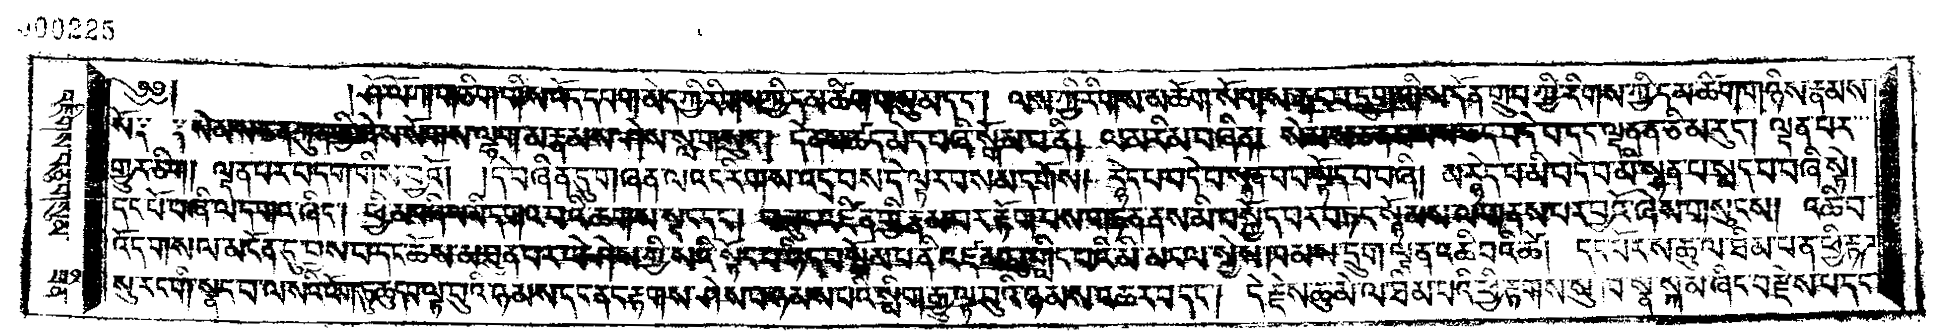༄༅། །ཤོ་ལོ་ཀ་གཅིག་གིས་འོད་དཔག་མེད་ཀྱི་རིགས་ཀྱི་དམ་ཚིག་གསུམ་དང་། ལས་ཀྱི་རིགས་མཆོག་སོགས་རྐང་པ་དྲུག་གིས་དོན་གྲུབ་ཀྱི་རིགས་ཀྱི་དམ་ཚིག་གཉིས་རྣམས་
སོ༑ ༑སེམས་ཅན་ཀུན་གྱི་ཞེས་སོགས་ལྷག་མ་རྣམས་ཤེས་སླ་གསུང་། དེ་ནས་ཚད་མེད་བཞི་སྒོམ་པ་ནི། ལམ་རིམ་བཞིན། སེམས་ཅན་ཐམས་ཅད་བདེ་བ་དང་ལྡན་ན་ཅི་མ་རུང་། ལྡན་པར་
གྱུར་ཅིག །ལྡན་པར་བདག་གིས་བྱའོ། །དེ་བཞིན་དུ་གཞན་ལའང་རིགས་འདྲ་བས་དེ་ལྟར་བསམ་དགོས། རྙེད་པ་བདེ་བ་སྙན་པ་བསྟོད་པ་བཞི། མ་རྙེད་པ་མི་བདེ་བ་མི་སྙན་པ་སྨད་པ་བཞི་སྟེ།
དང་པོ་བཞི་ལ་དགའ་ཞིང་། ཕྱི་མ་བཞི་ལ་མི་དགའ་བའི་ཆགས་སྡང་དང་། བཟུང་འཛིན་གྱི་རྣམ་པར་རྟོག་པས་གཏན་ནས་མི་བསྐྱོད་པར་བཏང་སྙོམས་ལ་གནས་པར་བྱའོ་ཞེས་གསུངས། འཆི་བ་
འོད་གསལ་མངོན་དུ་བྱས་པ་དང་ཆོས་མཐུན་པར་ཡེ་ཤེས་ཀྱི་སའི་སྟོང་པ་ཉིད་བསྒོམ་པ་ནི་འཛམ་བུ་གླིང་པའི་མི་མངལ་སྐྱེས་ཁམས་དྲུག་ལྡན་འཆི་བའི་ཚེ། དང་པོར་ས་ཆུ་ལ་ཐིམ་པ་ན་ཕྱི་རྟགས་
སུ་རང་གི་སྣང་བ་ལ་སའི་འོག་ཏུ་ཆུད་པ་ལྟ་བུའི་ཉམས་དང་ནང་རྟགས་ཤེས་པ་ཉམས་པའི་སྨིག་རྒྱུ་ལྟ་བུའི་ཉམས་འཆར་བ་དང་། དེ་རྗེས་ཆུ་མེ་ལ་ཐིམ་པའི་ཕྱི་རྟགས་སུ་ཁ་སྣ་སྐམ་ཞིང་བརྫེས་པ་དང་